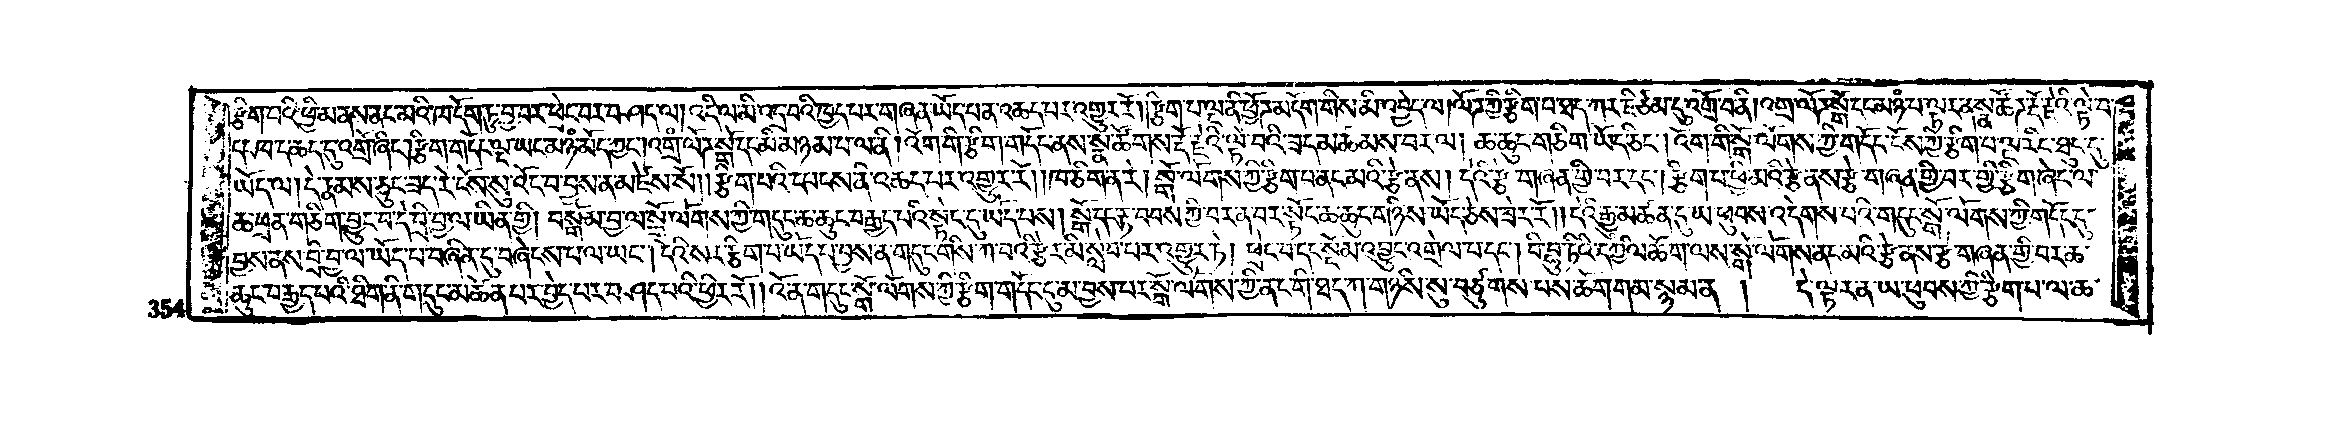རྩིག་པའི་ཕྱི་མ་ནས་ནང་མའི་ཁ་དོག་ཏུ་བྱ་བར་ཕྲེང་བར་བཤད་ལ། འདི་ལ་མི་འདྲ་བའི་ཁྱད་པར་གཞན་ཡོད་པ་ནི་འཆད་པར་འགྱུར་རོ། །རྩིག་པ་ལྔ་ནི་ཕྱོགས་མདོག་གིས་མི་འབྱེད་ལ། ལོགས་ཀྱི་རྩིག་པ་ཐད་ཀར་ཇི་ཙམ་དུ་འགྲོ་བ་ནི། འགྲམ་ལོགས་སྒོ་དང་མཉམ་པ་ལྟར་ན་སྣ་ཚོགས་རྡོ་རྗེའི་ལྟེ་བ་
དང་ཁ་ད་ཆད་དུ་འགྲོ་ཞིང་། རྩིག་གདོང་ལྔ་ཡང་མཉམ་མོད་ཀྱང་། འགྲམ་ལོགས་སྒོ་དང་མི་མཉམ་པ་ལ་ནི། འོག་གི་རྩིག་གདོང་ནས་སྣ་ཚོགས་རྡོ་རྗེའི་ལྟེ་བའི་ཟད་མཚམས་བར་ལ། ཆ་ཆུང་གཅིག་ཡོད་ཅིང་། འོག་གི་སྒོ་ལོགས་ཀྱི་གདོང་ངོས་ཀྱི་རྩིག་པ་ལྔ་རིང་ཐུང་དུ་
ཡོད་ལ། དེ་རྣམས་ཅུང་ཟད་རེ་ངོས་སུ་འོང་བ་བྱས་ན་མཛེས་སོ། །རྩིག་པའི་དཔངས་ནི་འཆད་པར་འགྱུར་རོ། །ཁ་ཅིག་ན་རེ། སྒོ་ལོགས་ཀྱི་རྩིག་པ་ནང་མའི་རྩེ་ནས། དེའི་རྩེ་གཞན་གྱི་བར་དང་། རྩིག་པ་ཕྱི་མའི་རྩེ་ནས་རྩེ་གཞན་གྱི་བར་གྱི་རྩིག་ཞེང་ལ་
ཆ་བྲན་གཅིག་བྱུང་བ་དེ་བྲི་བྱ་ལ་ཡིན་གྱི། བསྒོམ་བྱ་ལ་སྒོ་ལེགས་ཀྱི་གདུང་ཆ་ཆུང་བརྒྱད་པའི་སྟེང་དུ་ཡོད་པས། སྒོ་དང་རྟ་བབས་ཀྱི་བར་ན་བར་སྟོང་ཆ་ཆུང་གཉིས་ཡོད་ཅེས་ཟེར་རོ། །དེའི་རྒྱུ་མཚན་དུ་ཡ་ཕུབས་འདེགས་པའི་གདུང་སྒོ་ལེགས་ཀྱི་གདོང་དུ་
བྱས་ནས་བྲི་བྱ་ལ་ཡོད་པ་བཞིན་དུ་བཞེངས་པ་ལ་ཡང་། དེའི་སར་རྩིག་པ་ཡོད་པ་བྱས་ན་གདུང་གིས་ཀ་བའི་རྩེར་མི་སླེབ་པར་འགྱུར་ཏེ། ཕྲེང་བ་དང་སྡོམ་འབྱུང་འགྲེལ་པ་དང་། བི་བྷུ་ཏིའི་དཀྱིལ་ཆོག་ལས་སྒོ་ལོགས་ནང་མའི་རྩེ་ནས་རྩེ་གཞན་གྱི་བར་ཆ་
ཆུང་བརྒྱད་པའི་ཐིག་ནི་གདུང་མཚོན་པར་བྱེད་པར་བཤད་པའི་ཕྱིར་རོ། །འོ་ན་གདུང་སྒོ་ལོགས་ཀྱི་རྩིག་གདོང་དུ་མ་བྱས་པར་སྒོ་ལོགས་ཀྱི་ནང་གི་ཐད་ཀ་གཉིས་སུ་བཙུགས་པས་ཆོག་གམ་སྙམ་ན། དེ་ལྟར་ན་ཡ་ཕུབས་ཀྱི་རྩིག་པ་ལ་ཆ་